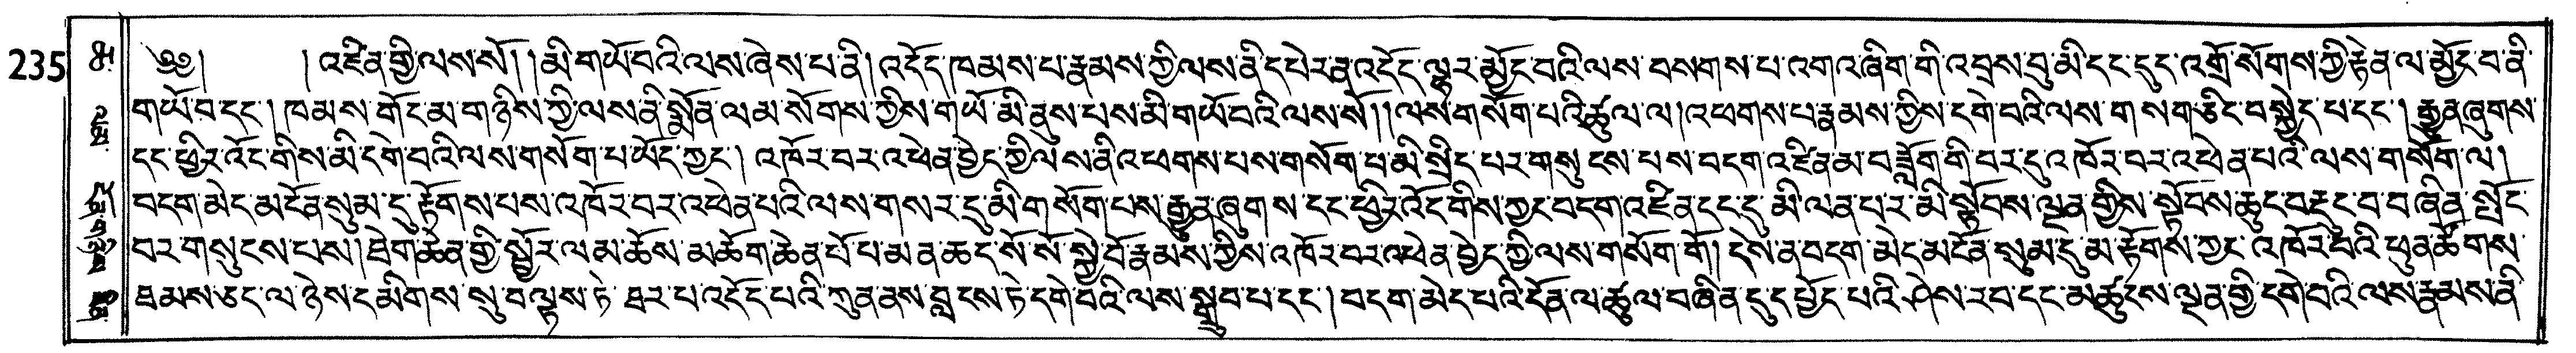༄༅། །འཛིན་གྱི་ལས་སོ། །མི་གཡོ་བའི་ལས་ཞེས་པ་ནི། འདོད་ཁམས་པ་རྣམས་ཀྱི་ལས་ནི་དཔེར་ན་འདོད་ལྷར་མྱོང་བའི་ལས་བསགས་པ་འགའ་ཞིག་གི་འབྲས་བུ་མི་དང་དུད་འགྲོ་སོགས་ཀྱི་རྟེན་ལ་མྱོང་བ་ནི་
གཡོ་བ་དང་། ཁམས་གོང་མ་གཉིས་ཀྱི་ལས་ནི་སྨོན་ལམ་སོགས་ཀྱིས་གཡོ་མི་ནུས་པས་མི་གཡོ་བའི་ལས་སོ། །ལས་གསོག་པའི་ཚུལ་ལ། འཕགས་པ་རྣམས་ཀྱིས་དགེ་བའི་ལས་གསག་ཅིང་བསྐྱེད་པ་དང་། རྒྱུན་ཞུགས་
དང་ཕྱིར་འོང་གིས་མི་དགེ་བའི་ལས་གསོག་པ་ཡོད་ཀྱང་། འཁོར་བར་འཕེན་བྱེད་ཀྱི་ལས་ནི་འཕགས་པས་གསོག་པ་མི་སྲིད་པར་གསུངས་པས་བདག་འཛིན་མ་བཟློག་གི་བར་དུ་འཁོར་བར་འཕེན་པའི་ལས་གསོག་ལ།
བདག་མེད་མངོན་སུམ་དུ་རྟོགས་པས་འཁོར་བར་འཕེན་པའི་ལས་གསར་དུ་མི་གསོག་པས་རྒྱུན་ཞུགས་དང་ཕྱིར་འོང་གིས་ཀྱང་བདག་འཛིན་དང་དུ་མི་ལན་པར་མི་སྟོབས་ལྡན་གྱིས་སྟོབས་ཆུང་བརྡུང་བ་བཞིན་སྤོང་
བར་གསུངས་པས། ཐེག་ཆེན་གྱི་སྦྱོར་ལམ་ཆོས་མཆོག་ཆེན་པོ་པ་མན་ཆད་སོ་སོ་སྐྱེ་བོ་རྣམས་ཀྱིས་འཁོར་བར་འཕེན་བྱེད་ཀྱི་ལས་གསོག་གོ །དེས་ན་བདག་མེད་མངོན་སུམ་དུ་མ་རྟོགས་ཀྱང་འཁོར་བའི་ཕུན་ཚོགས་
ཐམས་ཅད་ལ་ཉེས་དམིགས་སུ་བལྟས་ཏེ་ཐར་པ་འདོད་པའི་ཀུན་ནས་བླངས་ཏེ་དགེ་བའི་ལས་སྒྲུབ་པ་དང་། བདག་མེད་པའི་དོན་ལ་ཚུལ་བཞིན་དུ་དཔྱོད་པའི་ཤེས་རབ་དང་མཚུངས་ལྡན་གྱི་དགེ་བའི་ལས་རྣམས་ནི་